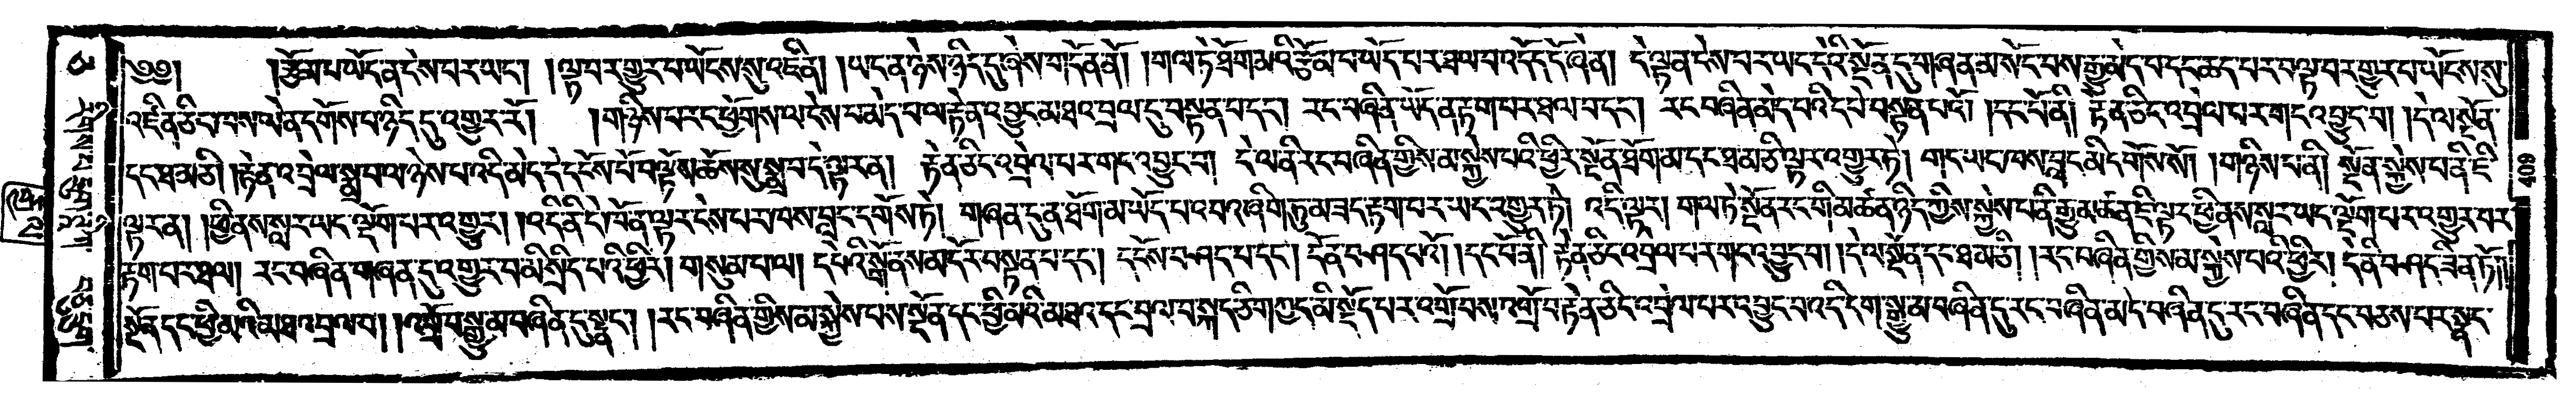༄༅། །རྩོམ་པ་ཡོད་ན་ངེས་པར་ཡང་། །ལྟ་བར་གྱུར་པ་ཡོངས་སུ་འཛིན། །ཡང་ན་ཉེས་ཉིད་དུ་ཞེས་གདོན་ནོ། །གལ་ཏེ་ཐོག་མའི་རྩོམ་པ་ཡོད་པར་ཐལ་བ་འདོད་དོ་ཞེ་ན། དེ་ལྟ་ན་ངེས་པར་ཡང་དེའི་སྔོན་དུ་གཞན་མ་སོང་བས་རྒྱུ་མེད་པ་དང་ཆད་པར་བལྟ་བར་གྱུར་པ་ཡོངས་སུ་
འཛིན་ཅིང་ཁས་ལེན་དགོས་པ་ཉིད་དུ་འགྱུར་རོ། །གཉིས་པ་རང་ཕྱོགས་ལ་ངེས་པ་མེད་པ་ལ་རྟེན་འབྱུང་མཐའ་བྲལ་དུ་བསྟན་པ་དང་། རང་བཞིན་ཡོད་ན་རྟག་པར་ཐལ་བ་དང་། རང་བཞིན་མེད་པའི་དཔེ་བསྟན་པའོ། །དང་པོ་ནི། རྟེན་ཅིང་འབྲེལ་པར་གང་འབྱུང་བ། །དེ་ལ་སྔོན་
དང་ཐ་མ་ཅི། །རྟེན་འབྲེལ་སྨྲ་བ་ལ་ཉེས་པ་འདི་མེད་དེ་དངོས་པོ་བལྟོས་ཆོས་སུ་སྨྲ་བ་དེ་ལྟར་ན། རྟེན་ཅིང་འབྲེལ་པར་གང་འབྱུང་བ། དེ་ལ་ནི་རང་བཞིན་གྱིས་མ་སྐྱེས་པའི་ཕྱིར་སྔོན་ཐོག་མ་དང་ཐ་མ་ཅི་ལྟར་འགྱུར་ཏེ། གང་ཡང་ཁས་བླང་མི་དགོས་སོ། །གཉིས་པ་ནི། སྔོན་སྐྱེས་པ་ནི་ཇི་
ལྟར་ན། །ཕྱི་ནས་སླར་ཡང་ལྡོག་པར་འགྱུར། །འདི་ནི་དེ་ཁོ་ན་ལྟར་ངེས་པར་ཁས་བླང་དགོས་ཏེ། གཞན་དུ་ན་ཐོག་མ་ཡོད་པ་འབའ་ཞིག་ཏུ་མ་ཟད་རྟག་པར་ཡང་འགྱུར་ཏེ། འདི་ལྟར། གལ་ཏེ་སྔོན་རང་གི་མཚན་ཉིད་ཀྱིས་སྐྱེས་པ་ནི་རྒྱུ་མཚན་ཇི་ལྟར་ཕྱི་ནས་སླར་ཡང་ལྡོག་པར་འགྱུར་བར་
རྟག་པར་ཐལ། རང་བཞིན་གཞན་དུ་འགྱུར་བ་མི་སྲིད་པའི་ཕྱིར། གསུམ་པ་ལ། དཔེའི་སྒོ་ནས་མདོར་བསྟན་པ་དང་། དངོས་བཤད་པ་དང་། དོན་བཤད་པའོ། །དང་པོ་ནི། རྟེན་ཅིང་འབྲེལ་པར་གང་འབྱུང་བ། །དེ་ལ་སྔོན་དང་ཐ་མ་ཅི། །རང་བཞིན་གྱིས་མ་སྐྱེས་པའི་ཕྱིར། དེ་ནི་བཤད་ཟིན་ཏོ།།
སྔོན་དང་ཕྱི་མའི་མཐའ་བྲལ་བ། །འགྲོ་བ་སྒྱུ་མ་བཞིན་དུ་སྣང་། །རང་བཞིན་གྱིས་མ་སྐྱེས་པས་སྔོན་དང་ཕྱི་མའི་མཐའ་དང་བྲལ་བ་སྐད་ཅིག་ཀྱང་མི་སྡོད་པར་འགྲོ་བས་འགྲོ་བ་རྟེན་ཅིང་འབྲེལ་པར་འབྱུང་བ་འདི་དག་སྒྱུ་མ་བཞིན་དུ་རང་བཞིན་མེད་བཞིན་དུ་རང་བཞིན་དང་བཅས་པར་སྣང་